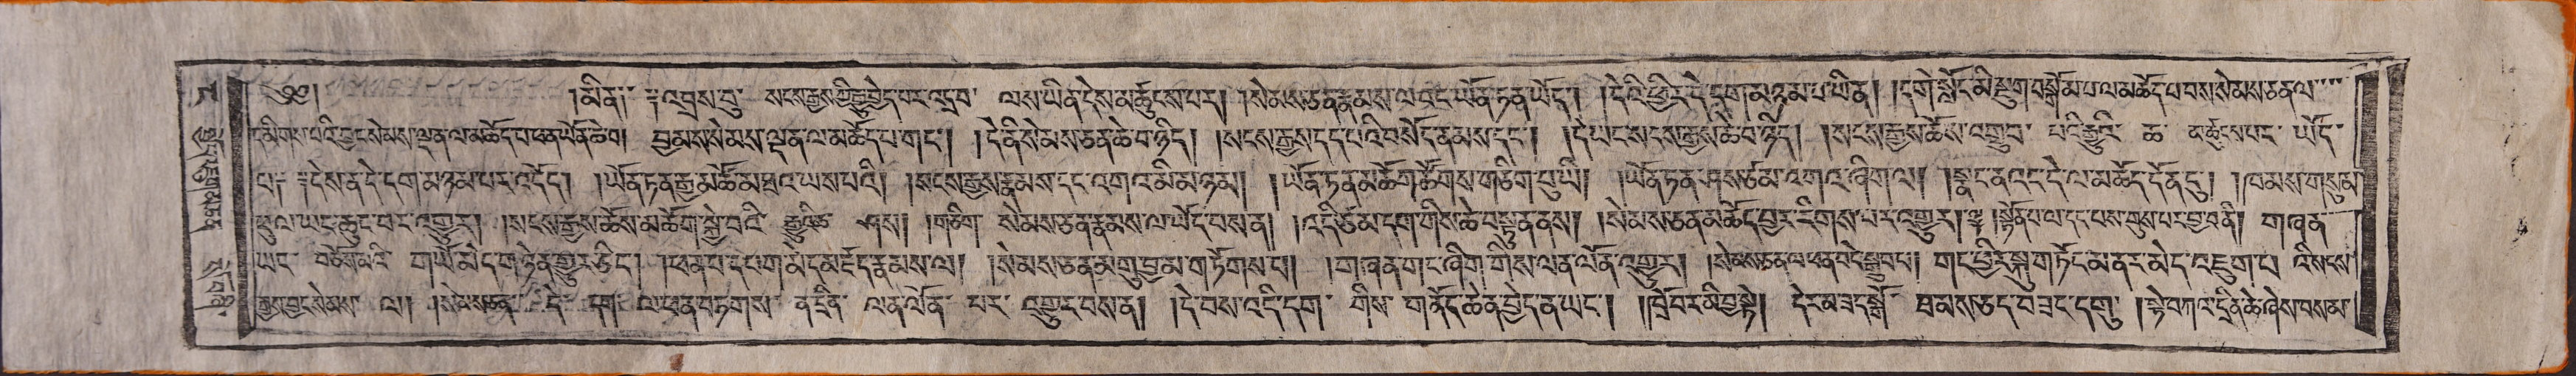༄༅། །མིན༑ ༑འབྲས་བུ་སངས་རྒྱས་ཀྱི་རྒྱུ་བྱེད་པར་འདྲ་བ་ལས་ཡིན་དེས་མཚུངས་པར། །སེམས་ཅན་རྣམས་ལ་འང་ཡོན་ཏན་ཡོད། །དེའི་ཕྱིར་དེ་དག་མཉམ་པ་ཡིན། །དགེ་སློང་མི་སྡུག་བསྒོམ་པ་ལ་མཆོད་པ་བས་སེམས་ཅན་ལ་
དམིགས་པའི་བྱང་སེམས་ལྡན་ལ་མཆོད་པ་ཕན་ཡོན་ཆེ་བ། བྱམས་སེམས་ལྡན་ལ་མཆོད་པ་གང་། །དེ་ནི་སེམས་ཅན་ཆེ་བ་ཉིད། །སངས་རྒྱས་དད་པའི་བསོད་ནམས་དང་། །དེ་ཡང་སངས་རྒྱས་ཆེ་བ་ཉིད། །སངས་རྒྱས་ཆོས་འགྲུབ་པའི་རྒྱུའི་ཆ་མཚུངས་པར་ཡོད་
པ༑ ༑དེས་ན་དེ་དག་མཉམ་པར་འདོད། །ཡོན་ཏན་རྒྱ་མཚོ་མཐའ་ཡས་པའི། །སངས་རྒྱས་རྣམས་དང་འགའ་མི་མཉམ། །ཡོན་ཏན་མཆོག་ཚོགས་གཅིག་པུ་ཡི། །ཡོན་ཏན་ཤས་ཙམ་འགའ་ཞིག་ལ། །སྣང་ནའང་དེ་ལ་མཆོད་དོན་དུ། །ཁམས་གསུམ་
ཕུལ་ཡང་ཆུང་བར་འགྱུར། །སངས་རྒྱས་ཆོས་མཆོག་སྐྱེ་བའི་རྒྱུའི་ཆ་ཤས། །གཅིག།  སེམས་ཅན་རྣམས་ལ་ཡོད་པས་ན། །འདི་ཙམ་དག་གིས་ཆེ་བསྟུན་ནས། །སེམས་ཅན་མཆོད་བྱར་རིགས་པར་འགྱུར། ༈ །སྟོན་པ་ལ་དད་པས་གུས་པར་བྱ་བ་ནི།  གཞན་
ཡང་བཅེས་མའི་གཡོ་མེད་གཉེན་གྱུར་ཅིང་། །ཕན་པ་དཔག་མེད་མཛད་རྣམས་ལ། །སེམས་ཅན་མགུ་བྱ་མ་གཏོགས་པ། །གཞན་གང་ཞིག་གིས་ལན་ལོན་འགྱུར། །སེམས་ཅན་ལ་ཕན་བདེ་སྒྲུབ་པ།  གང་ཕྱིར་སྐུ་གཏོང་མནར་མེད་འཇུག་པའི་སངས་
རྒྱས་བྱང་སེམས་ལ། །སེམས་ཅན།  དེ་དག་ལ་ཕན་བཏགས་ན་དྲིན་ལན་ལོན་པར་འགྱུར་བས་ན། །དེ་བས་འདི་དག་གིས་གནོད་ཆེན་བྱེད་ན་ཡང་། །ཁྲོ་བར་མི་བྱ་སྟེ། དེར་མ་ཟད་སྒོ་ཐམས་ཅད་བཟང་དགུ་སྟེ་བཀའ་དྲིན་ཆེ་ཞེས་བསམ་